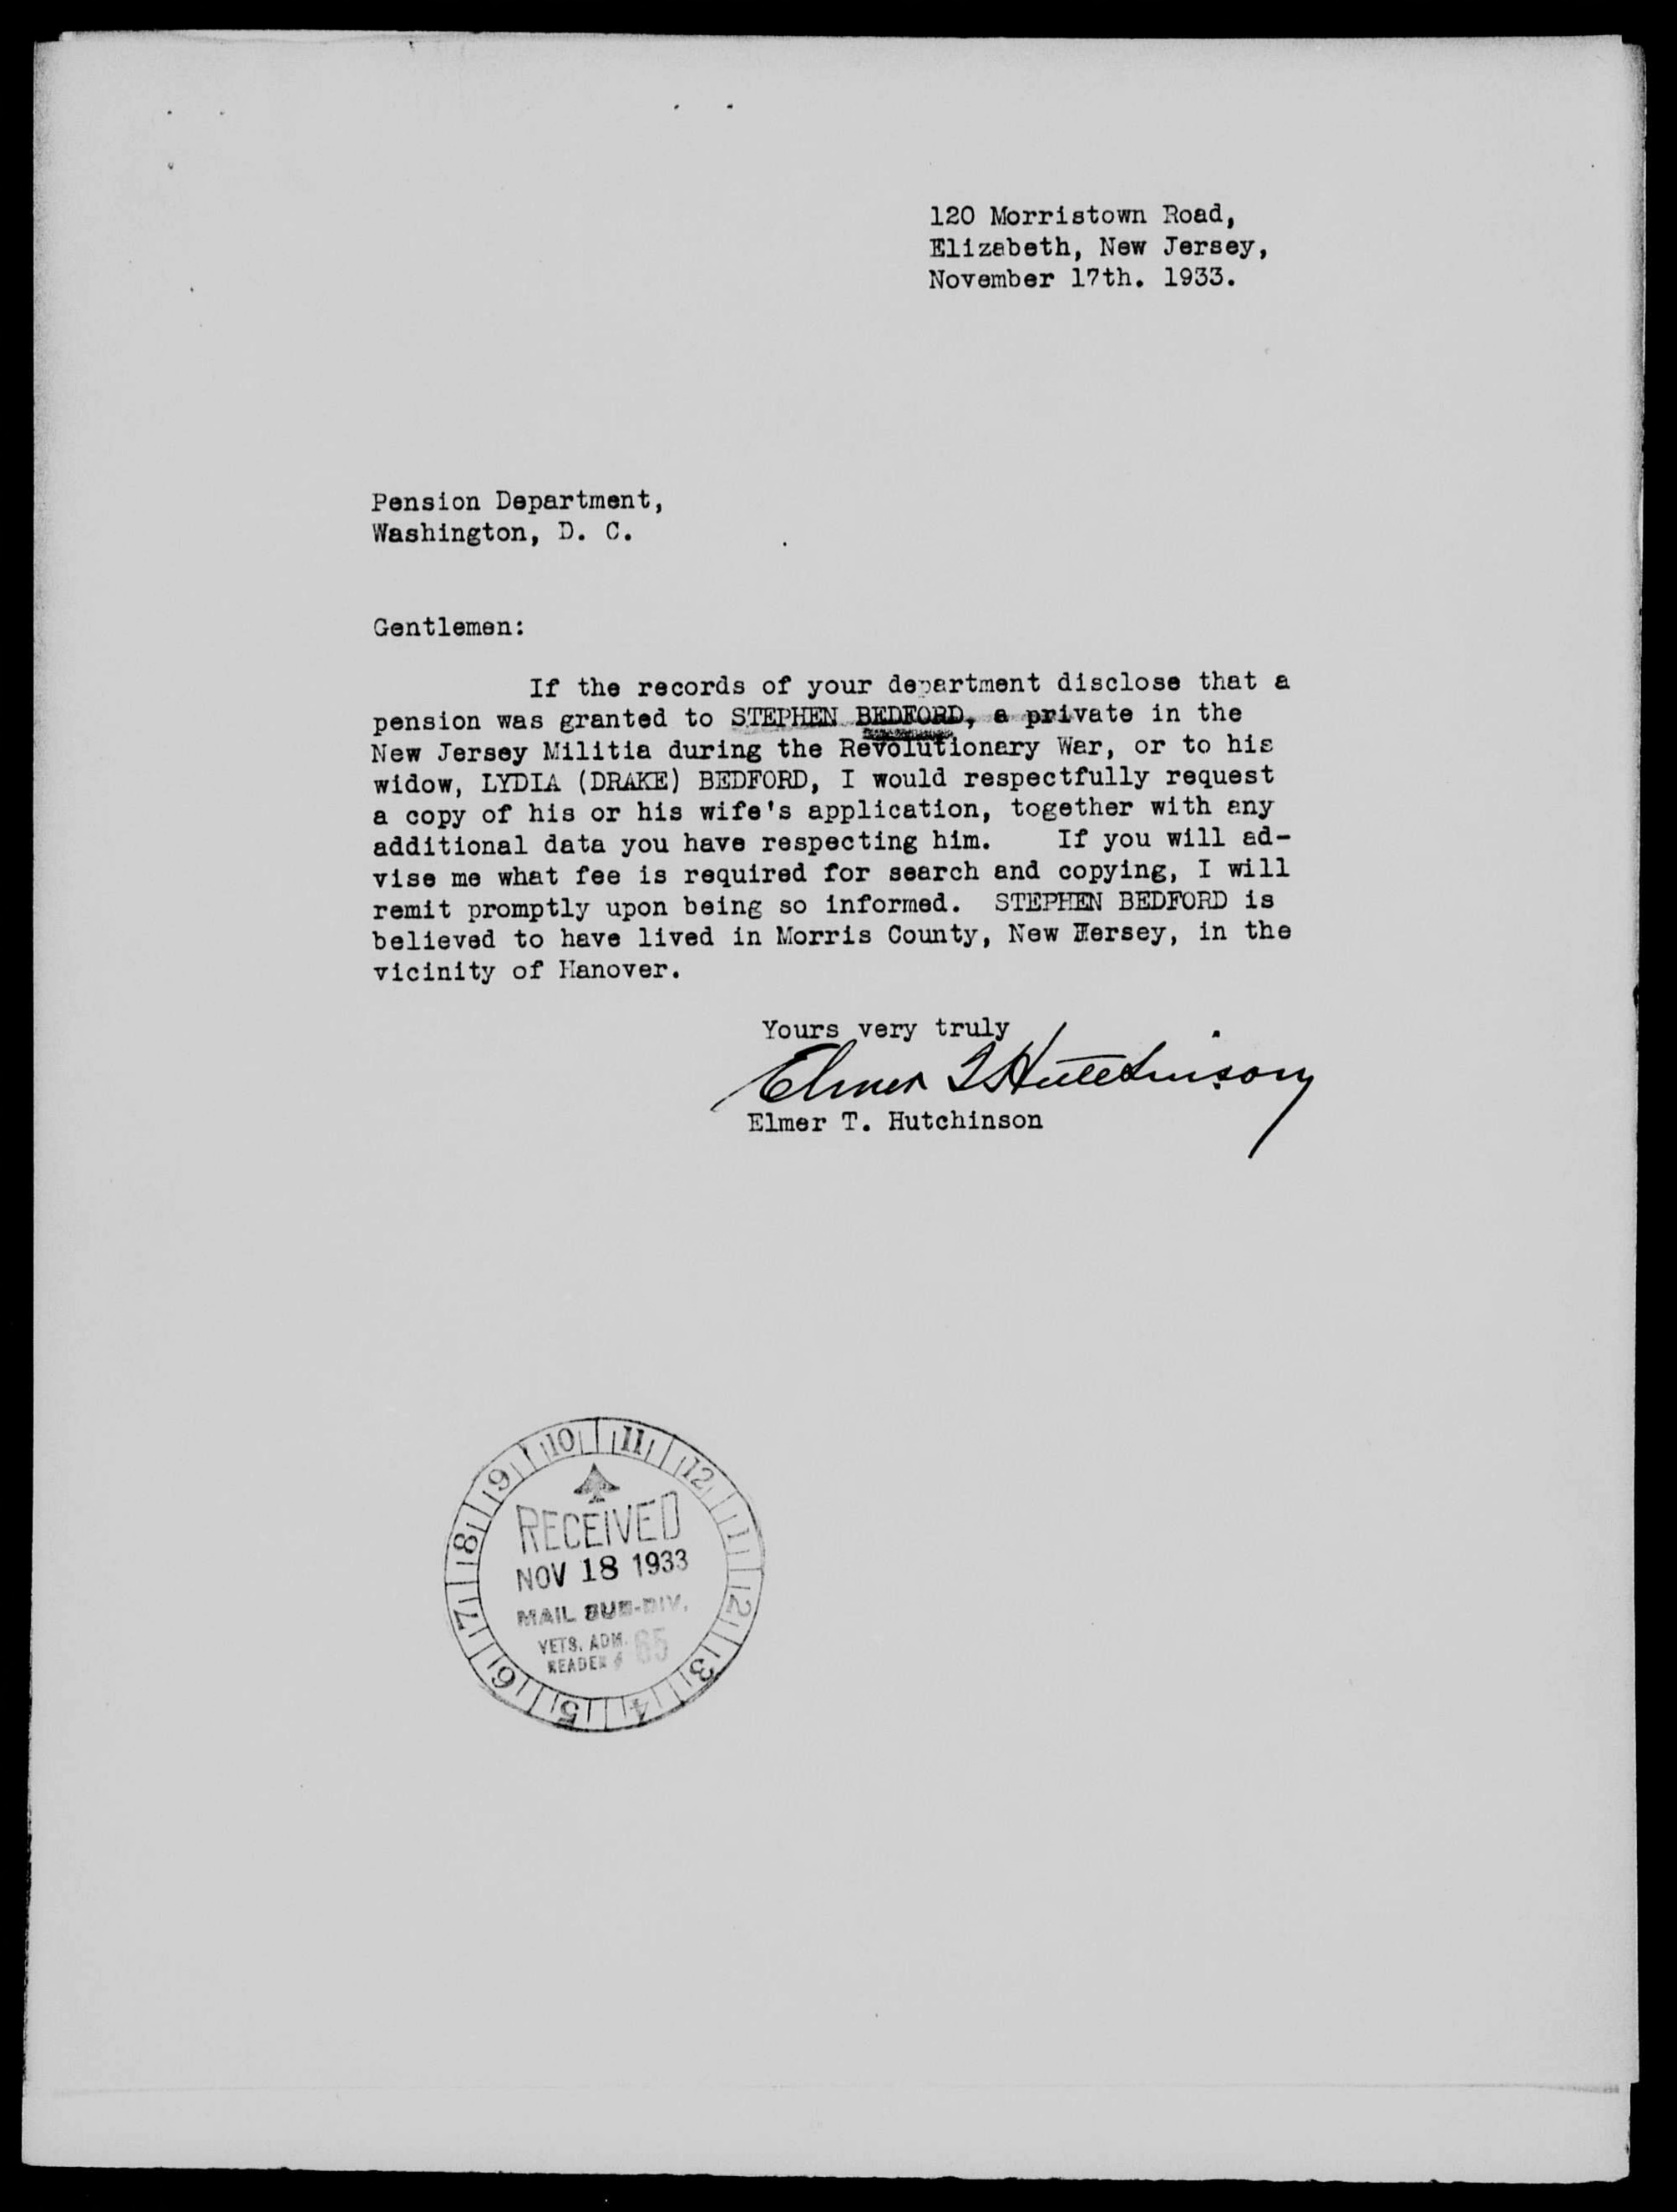120 Morristown Road,
Elizabeth, New Jersey,
November 17th, 1933.

Pension Department,
Washington, D. C.
Gentlemen:
If the records of your department disclose that a pension was granted to STEPHEN BEDFORD, private in the New Jersey Militia during the Revolutionary War, or to his widow, LYDIA (DRAKE ) BEDFORD, I would respectfully request a copy of his or his wife's application, together with any additional data you have respecting him. If you will advise me what fee is required for search and copying, I will remit promptly upon being so informed. STEPHEN BEDFORD is believed to have lived in Morris County, New Jersey, in the vicinity of Hanover.
Your very truly
[signed] Elmer T Hutchinson
Elmer T. Hutchinson
[stamp]
RECEIVED Nov 18 1933
Mail Sub-Div
Vets Adm
Reader # 65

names: Lydia Drake, Stephen Bedford, Lydia Bedford, Elmer T Hutchinson, Elmer T Hutchinson, Stephen Bedford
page: 28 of 31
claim: survivor's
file: S. 2372, Stephen Bedford, New Jersey